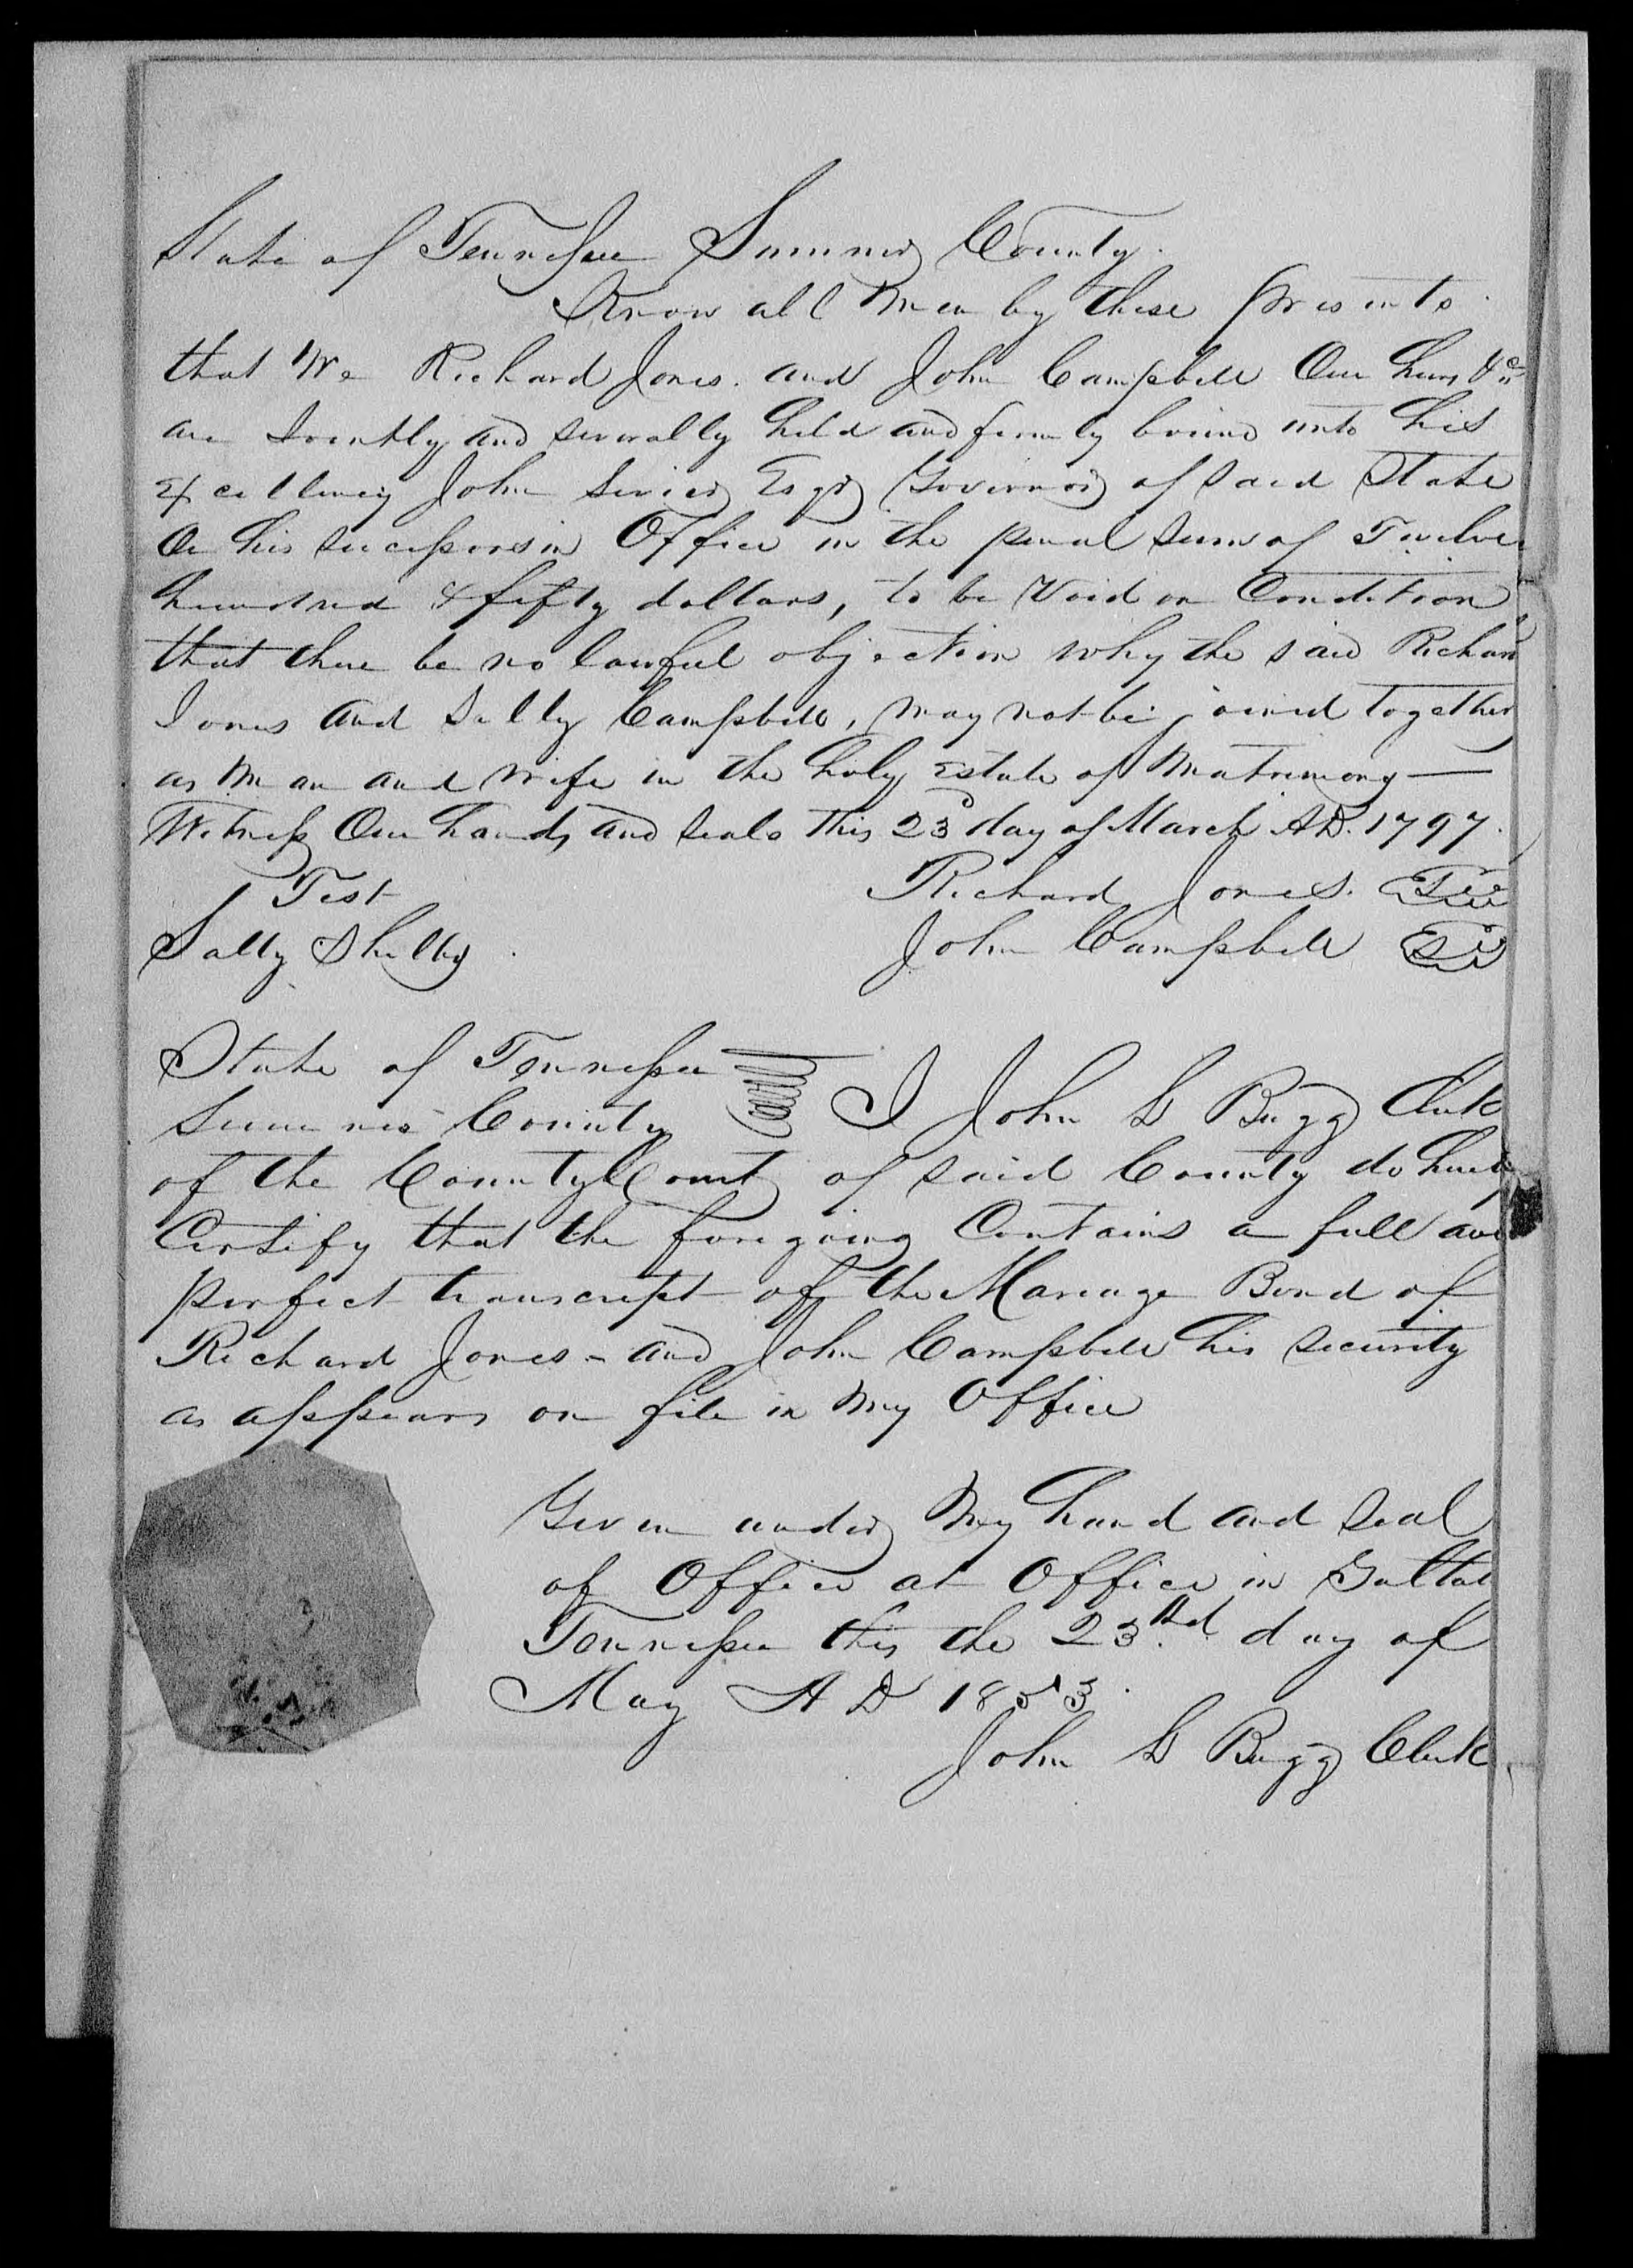State of Tennessee
Sumner County

Know all men by these presents
that we Richard Jones and John Campbell our heirs &c.
are Jointly and severally held and firmly bound into his 
excellency John Sevier Esqr Governor of said State
or his successor officer in the penal sum of Twelve
hundred & fifty dollars, to be void on condition
that there be no lawful objection why the said Richard
Jones and Sally Campbell may not be joined together 
as man and wife in the holy estate of Matrimony -
Witness Our hands and seals this 23d day of March A.D. 1797.

Richard Jones  (seal)
John Campbell  (seal)

Test
Sally Shelby



State of Tennessee
Sumner County

I John L Bugg Clerk 
of the County Court of said County do hereby
certify that the foregoing contains a full and 
perfect transcript of the Marriage Bond of 
Richard Jones - and John Campbell his security 
as appears on file in my office
Given under my hand and seal
of Office at office in Gallatin
Tennessee this the 23rd day of 
May AD 1853.

John L Bugg Clerk

[seal]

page: 9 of 33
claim: rejected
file: R. 1554, for Richard Jones, North Carolina